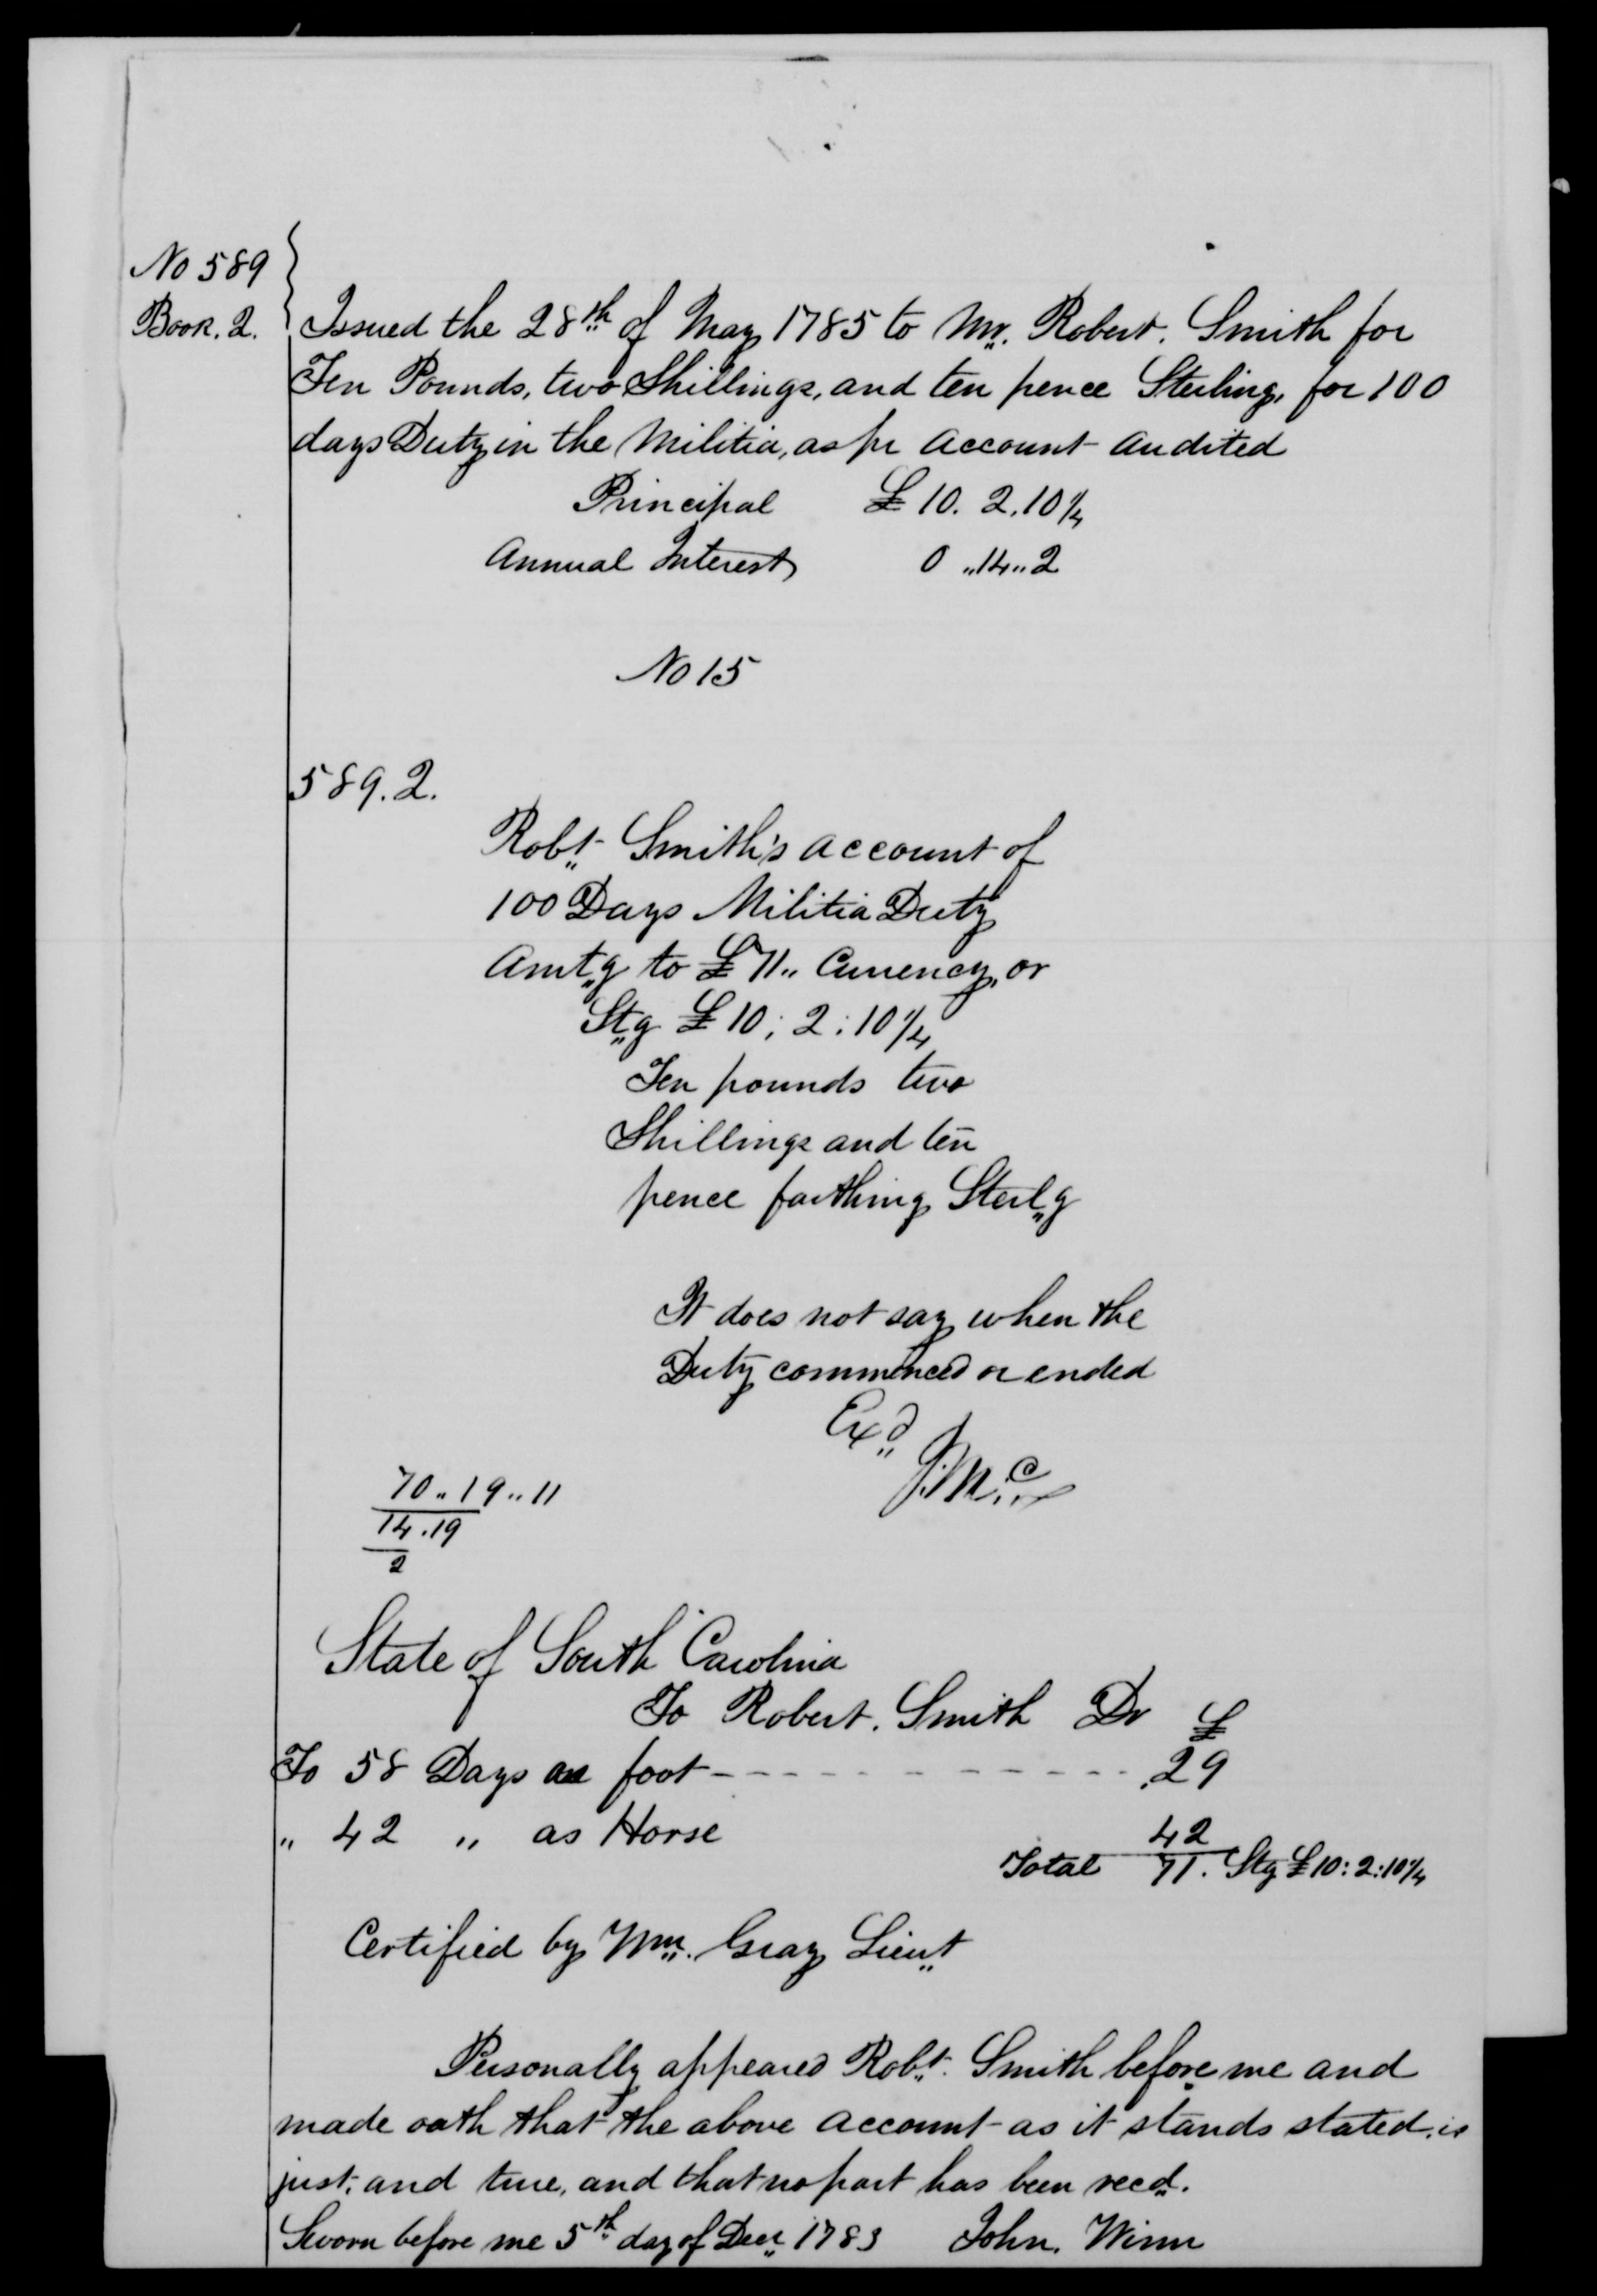No. 589
Book 2

Issued the 28th of May 1785 to Mr. Robert Smith for Ten pounds, two shillings and ten pence sterling for 100 days duty in the militia, as per account audited.
Principal                L10.2.10-1/4
Annual interest          0.14.2
No. 15

No. 589.2
Robt Smith's account of 100 days militia duty amt,g to L11 currency or Stlg L10.2.10-1/4
Ten pounds two shillings and ten pence farthing. Sterl,g.
It does not say when the duty commenced or ended.  Ex. 2 JMC
70.19.11
14.19
2

State of South Carolina
To Robert Smith [illegible]
To 58 days as foot                           29
To 42 days as horse                         42
Total                                    71St10-.2.10-1/4
Certified by Wm Gray, Lieut

Personally appeared Robt Smith before me and made oath that the above account, as it stands stated, is just, and true and that no part has been recd.
Sworn before me 5th day of Dec 1783.   John Winn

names: Robert Smith; Wm Gray; Robt Smith; Robt Smith; Robert Smith; John Winn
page: 19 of 28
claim: rejected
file: R. 9744, for Robert Smith, South Carolina